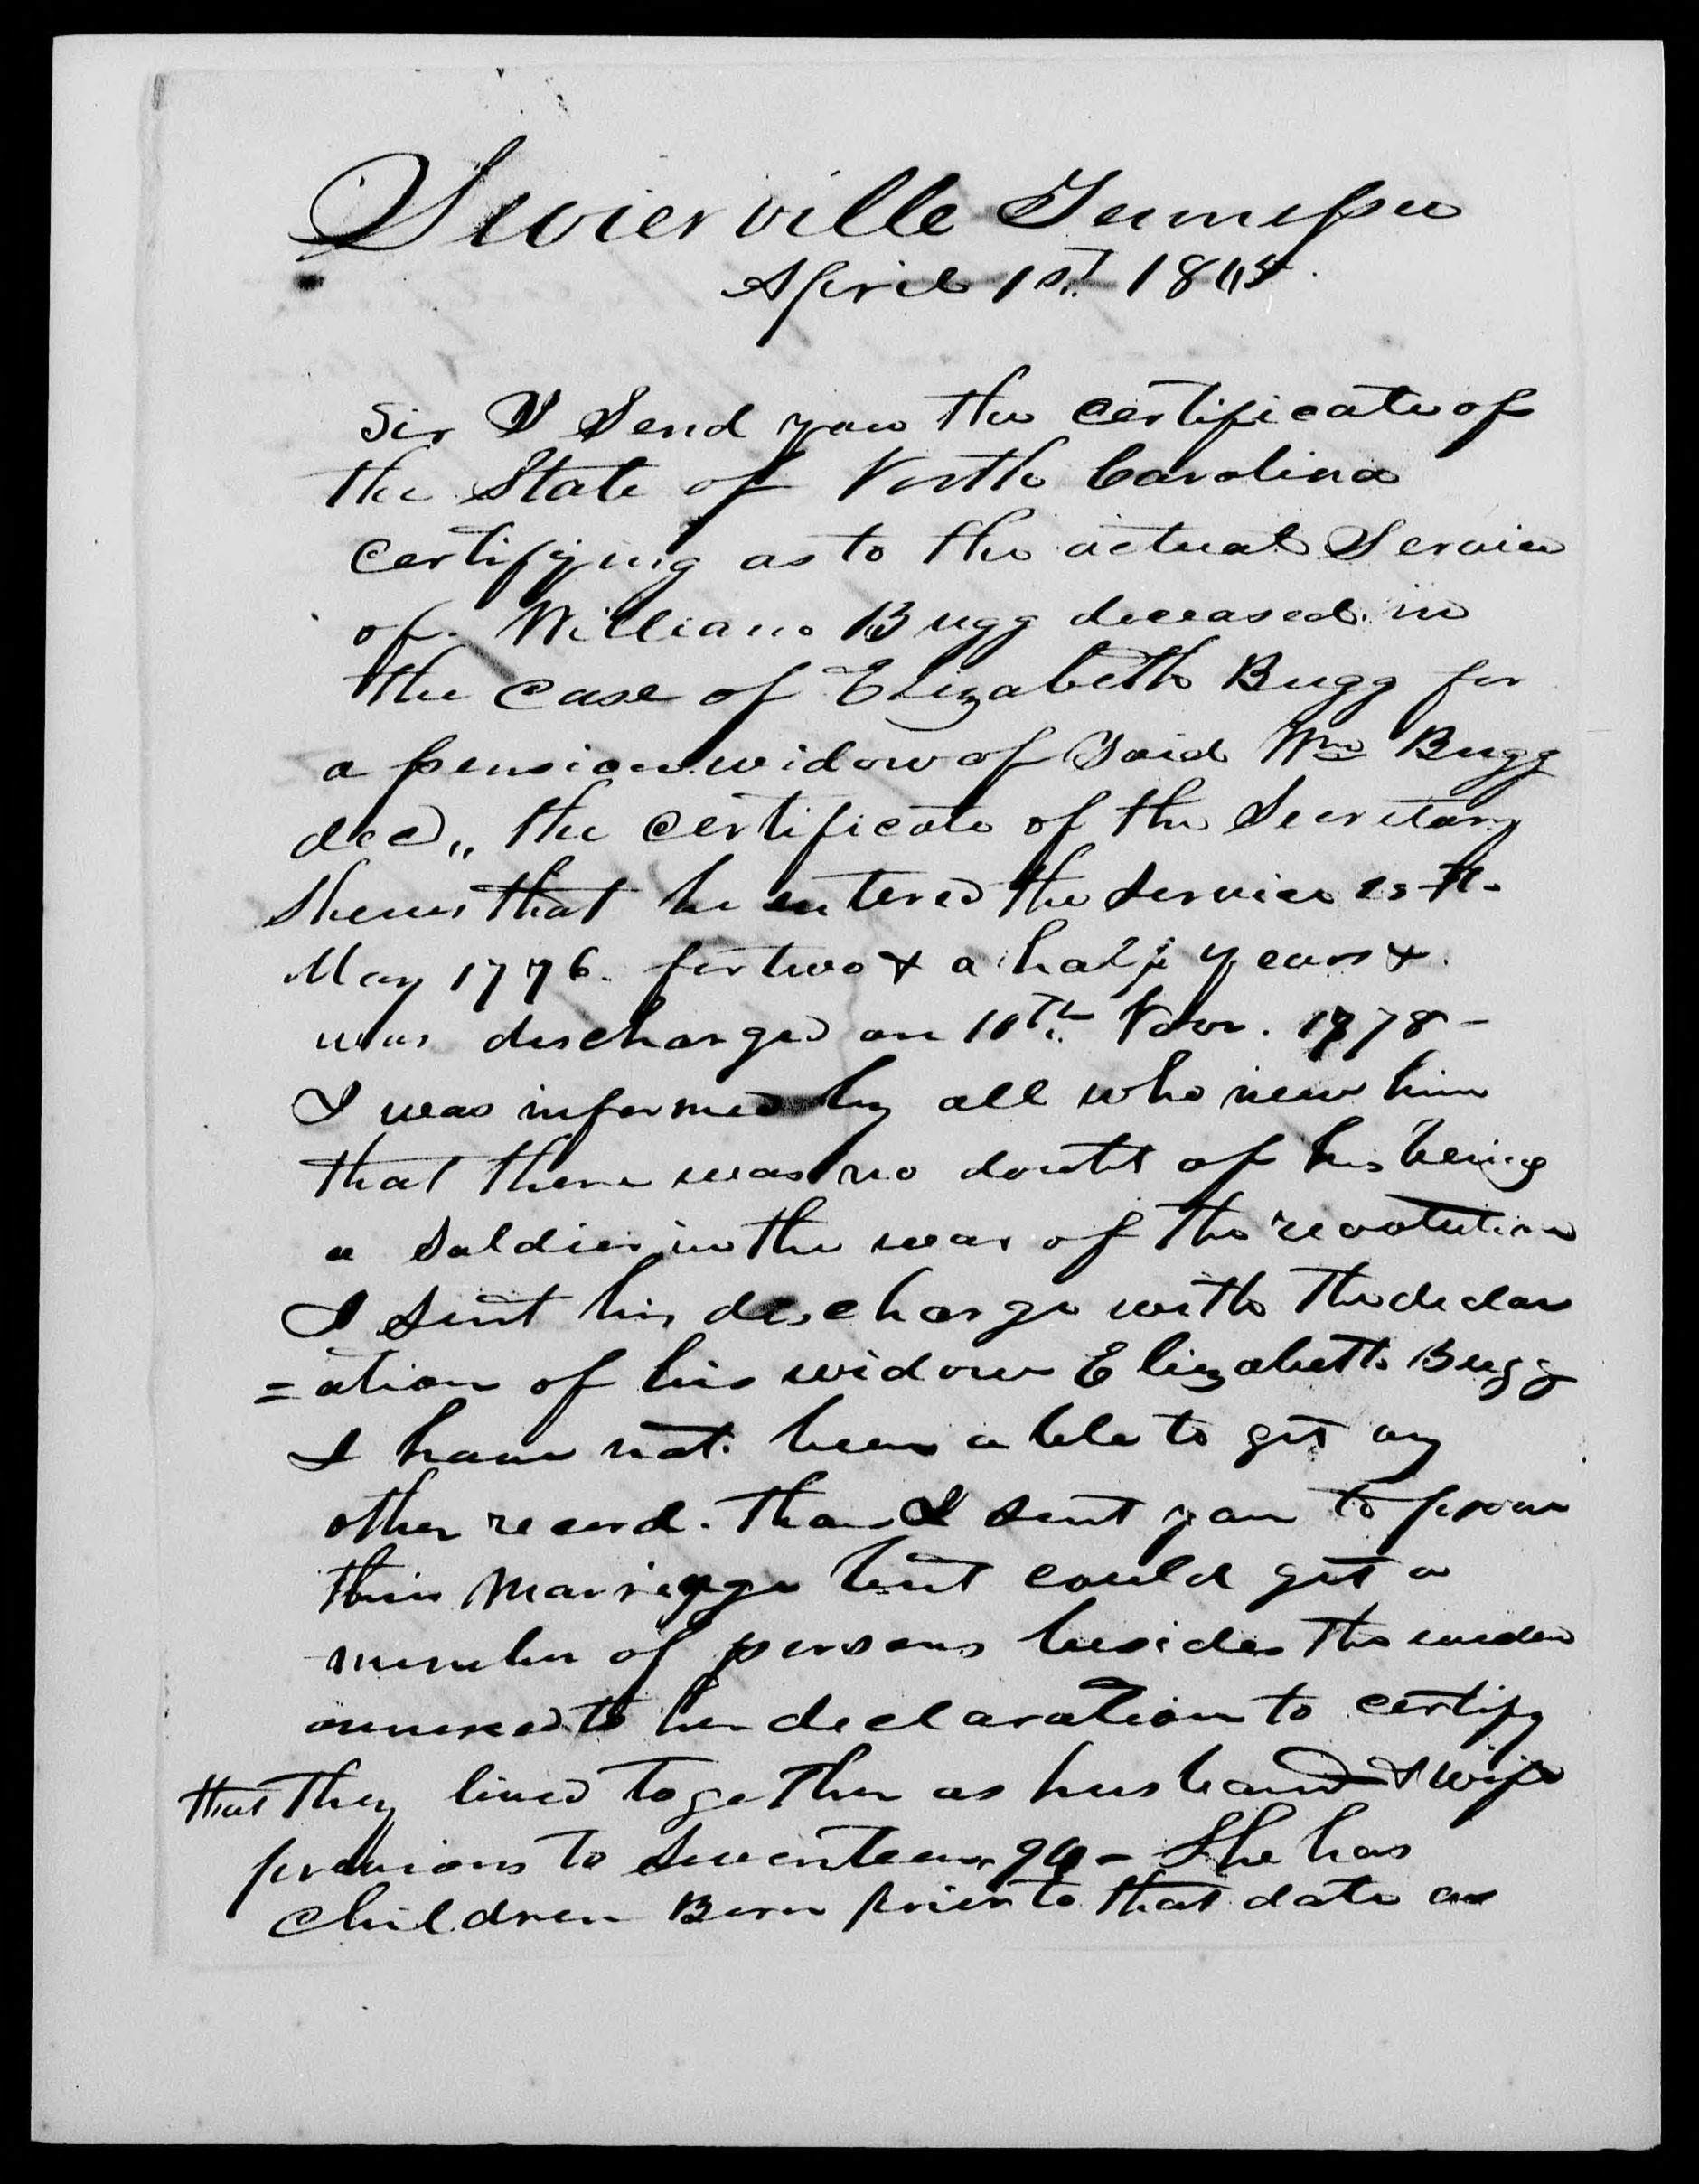Sevierville Tennessee
April 1st. 1845.

sir I Send you the certificate of the State of North Carolina certifying as to the actual Service of. William Bugg deceased. in the Case of Elizabeth Bugg fer [or for] a pension. widow of Said Wm Bugg dec.. The Certificate of the Secretary Shews that he entered the Servise [or Service] [the following date is hard to read, but looks most likely to be 29th or 28th] May 1776. fer [or for] two & a half years. was discharged on 10th Nov. 1778- 

[Occasional spacing added to make the text easier to read.]

I was informed by all who new him that there was no doubt of his being a Soldier in the war of the revotution 
I Sent his discharge with the declaration of his widow Elizabeth Bugg 

I have not. been able to get any other recerd.  Than [or Thos] I sent you to prove their [or this] Marrigge but could get a number of persons besides the widow annexed to her declaration to certify that they lived together as husband & wife previous to Seventeen 94 [or 99] - She has Children Bern [or Born] prier to that date as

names: Wm Bugg, Elizabeth Bugg, Elizabeth Bugg, William Bugg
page: 34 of 50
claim: widow's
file: W. 898, William Bugg, N.C.